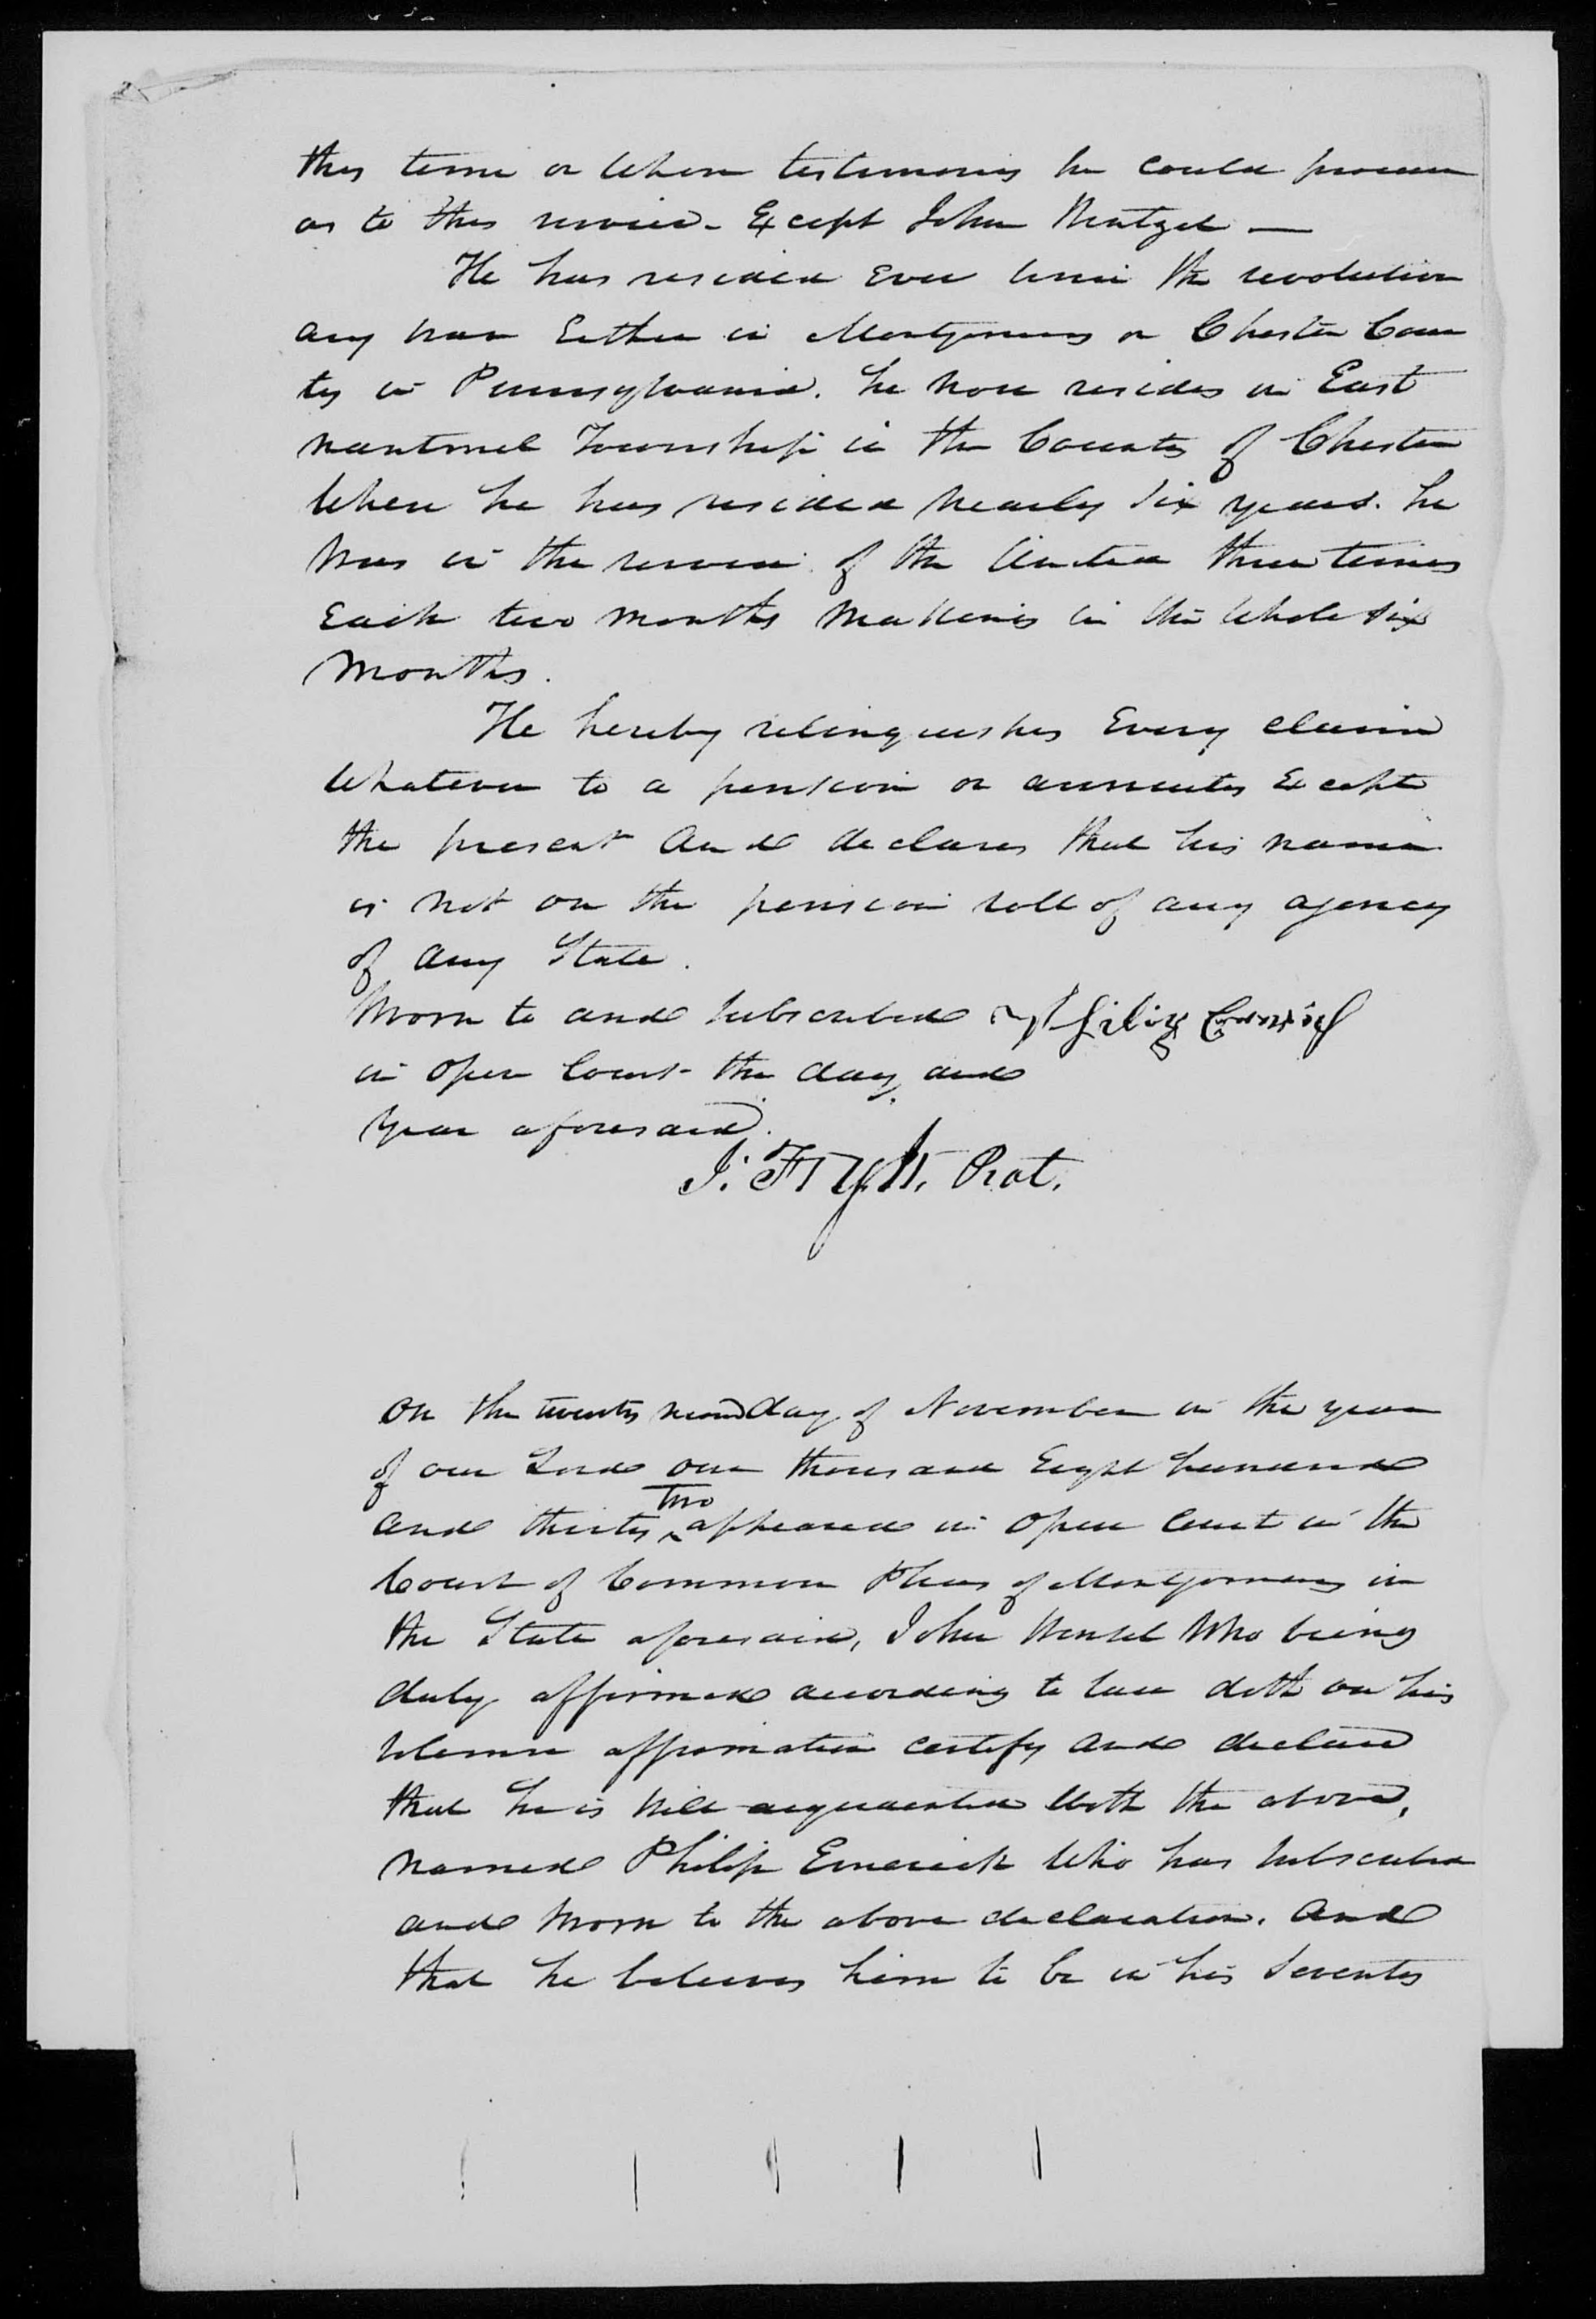this time or whose testimony he could procure
as to this service. Except John Wentzel - 
He has resided ever since the revolutionary war either in Montgomery or Chester County in Pennsylvania. he now resides in East
nantmel [Nantmeal] Township in the County of Chester
Where he has resided nearly six years. he
was in the service of the United three times
Each two months making in the whole six
months.
He hereby relinquishes every claim
whatever to a pension or annuity except
the present and declares that his name
is not on the pension roll of any agency
of any State.
Sworn to and subscribed    [signature]Philip Emerick
in open Court- the day and
year aforesaid.
J. Fry Jr. Prot.
On the twenty second day of November in the year of our Lord one thousand Eight hundred
and thirty ^(two) appeared in open Court in the
Court of Common Pleas of Montgomery in
the State aforesaid, John Wentzel who being
duly affirmed according to law doth on his
solemn affirmation certify and declare
that he is well acquainted with the above
named Philip Emerick who has subscribed
and sworn to the above declaration, and
that he believes him to be in his seventy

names: John Wensel, John Wentzel, Philip Emerick, Philip Emerick, J Fry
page: 7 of 29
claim: survivor's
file: S. 23618, Philip Emerick, Penn.